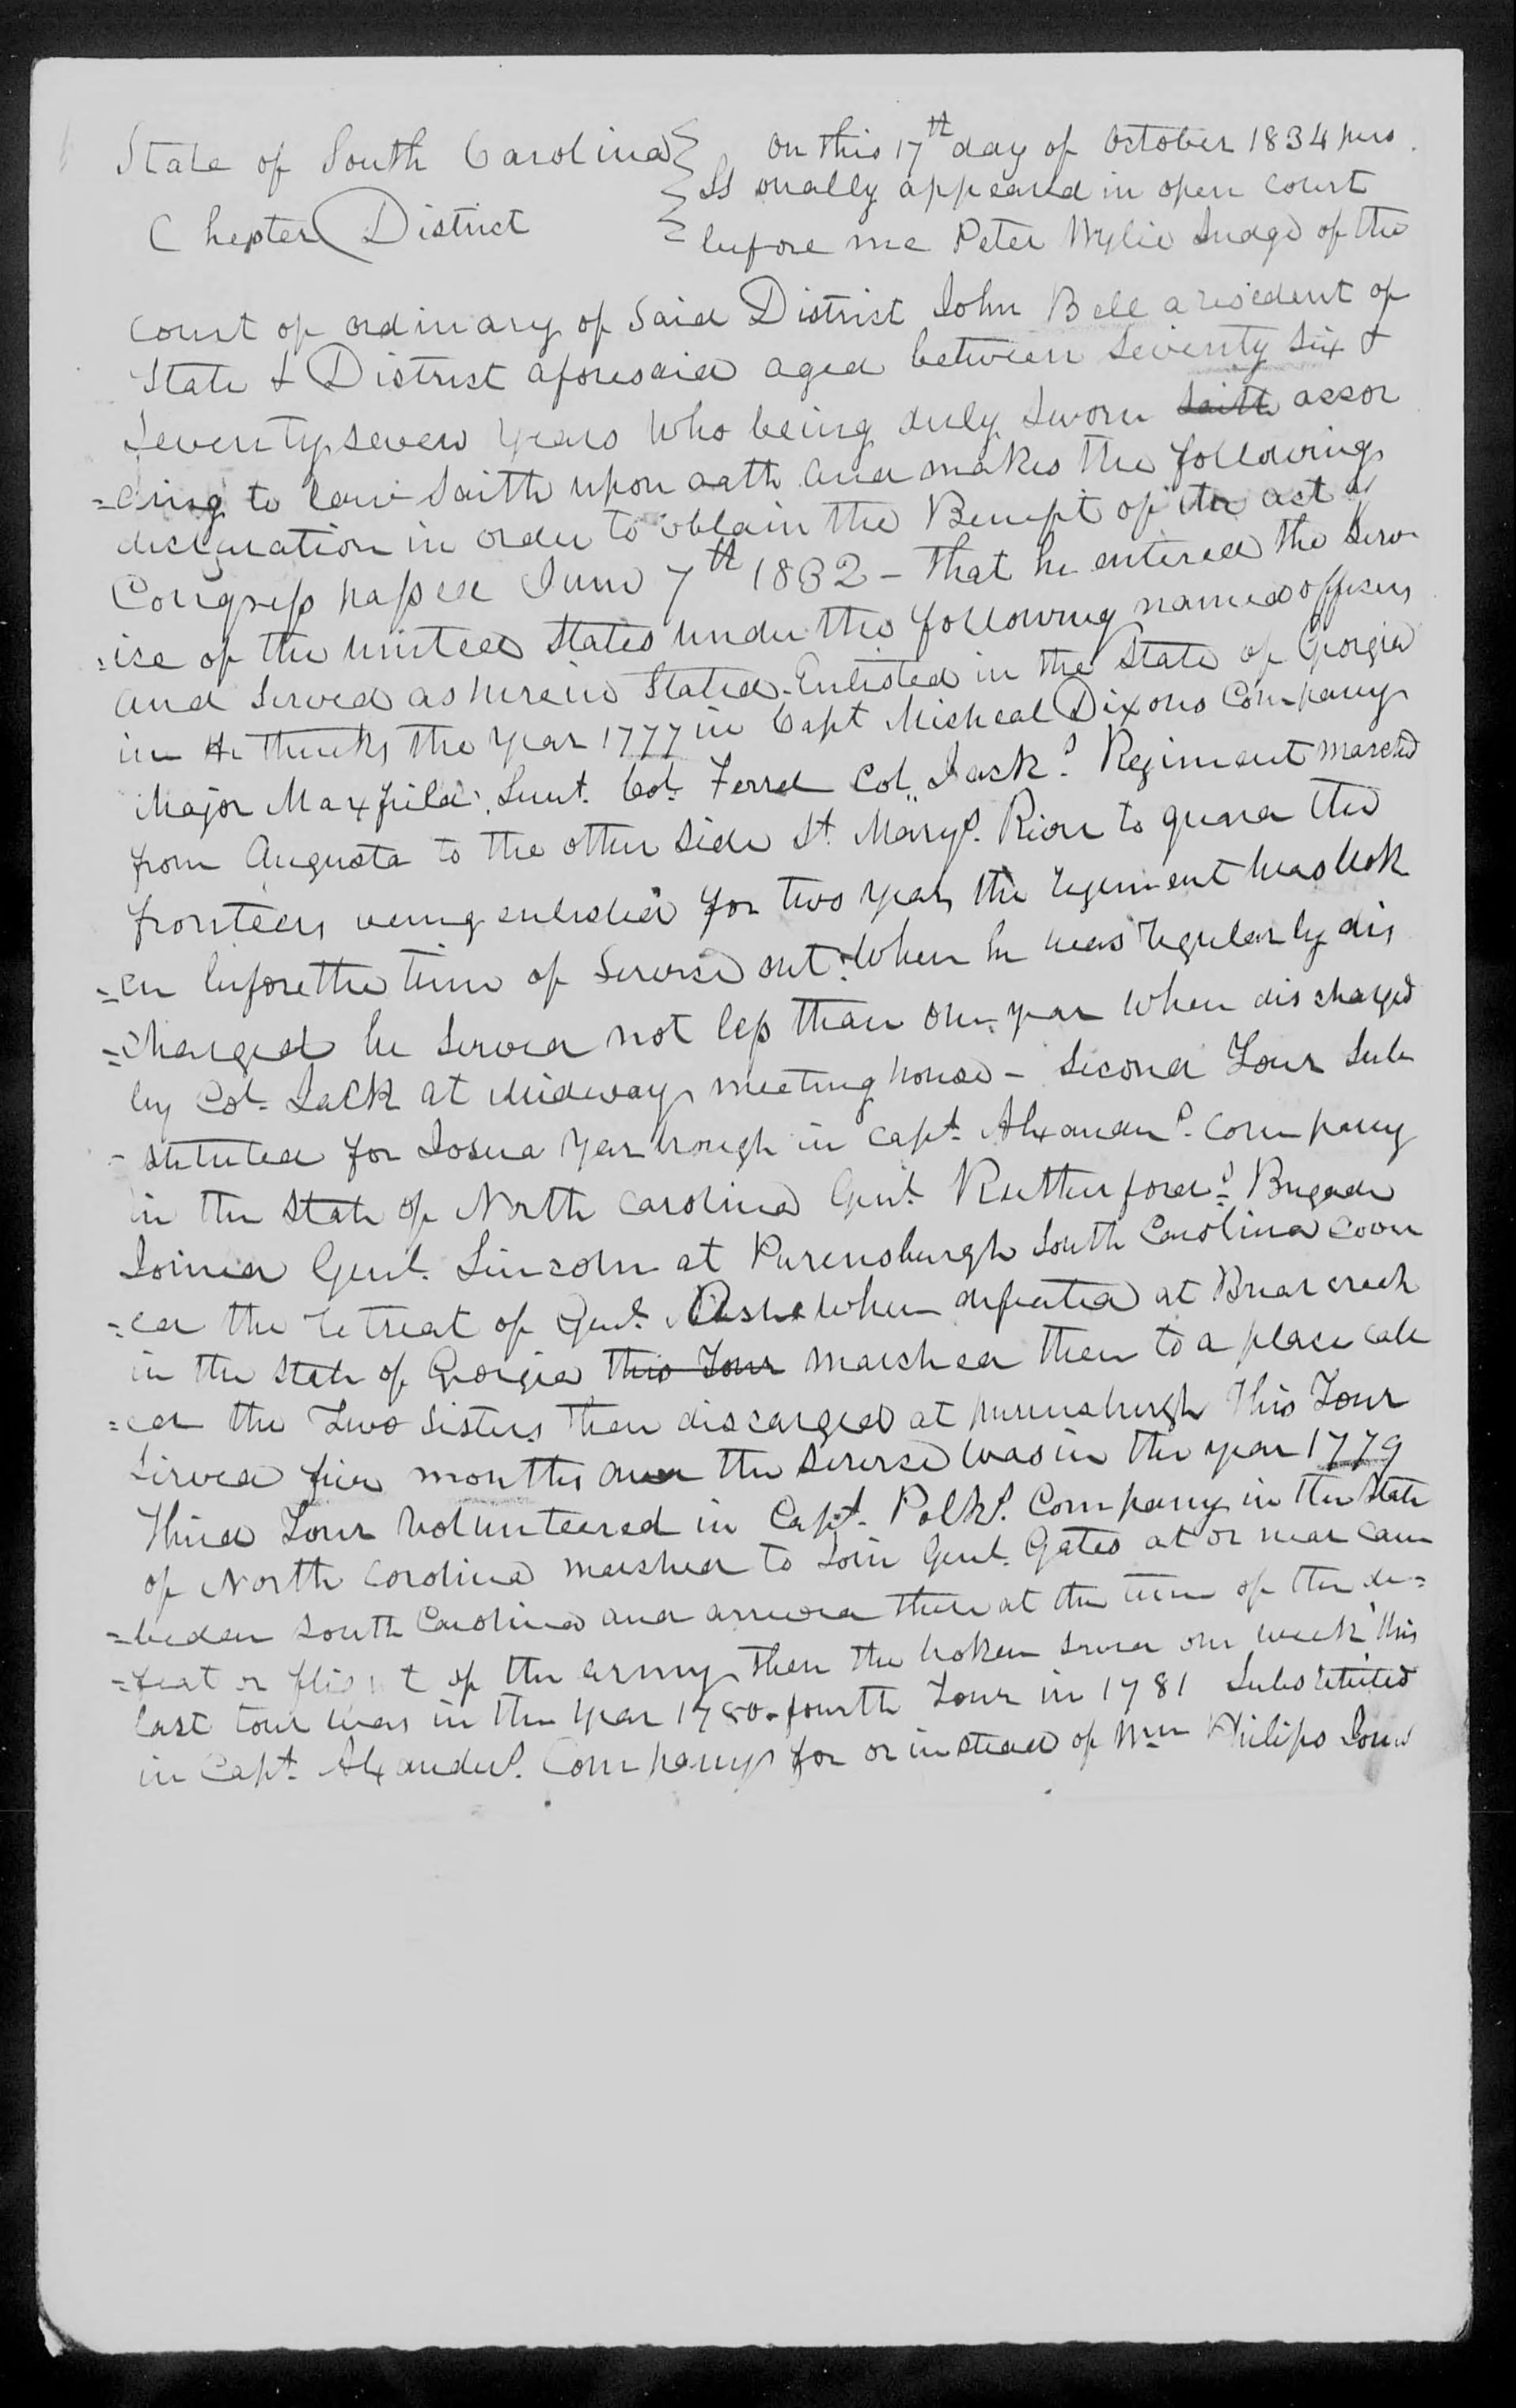State of South Carolina
Chester District
on this 17th day of october 1834 personally appeared in open court before me Peter Wylie Judge of the court of ordinary of said District 
John Belle a resident of State & District aforesaid aged between seventy six & seventy seven years 
who being duly sworn saith[stricken] according to law saith upon oath and makes the following declaration in order to obtain the Benefit of the act of Congress passed June 7th 1832 - 
That he entered the [illegible] of The United States under the following named officers and served as herein states. Enlisted in the state of Georgia in the [illegible] year 1777 in Capt Micheal Dixons company 
Major Maxfield, Lieut. Col. [illegible] Col. Jack. Regiment marched from Augusta to the other side St. Marys River to guard the frontier being enlisted for two years
the regiment was taken before the time of service out. when he was regularly discharged he served not less than one year.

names: Peter Wylie, Gates, John Bell, Wm Philips, Ashe, Jack, Lincoln, Josua Yarbrough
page: 3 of 23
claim: survivor's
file: S. 21068, John Bell, Ga. N. C. S. C.